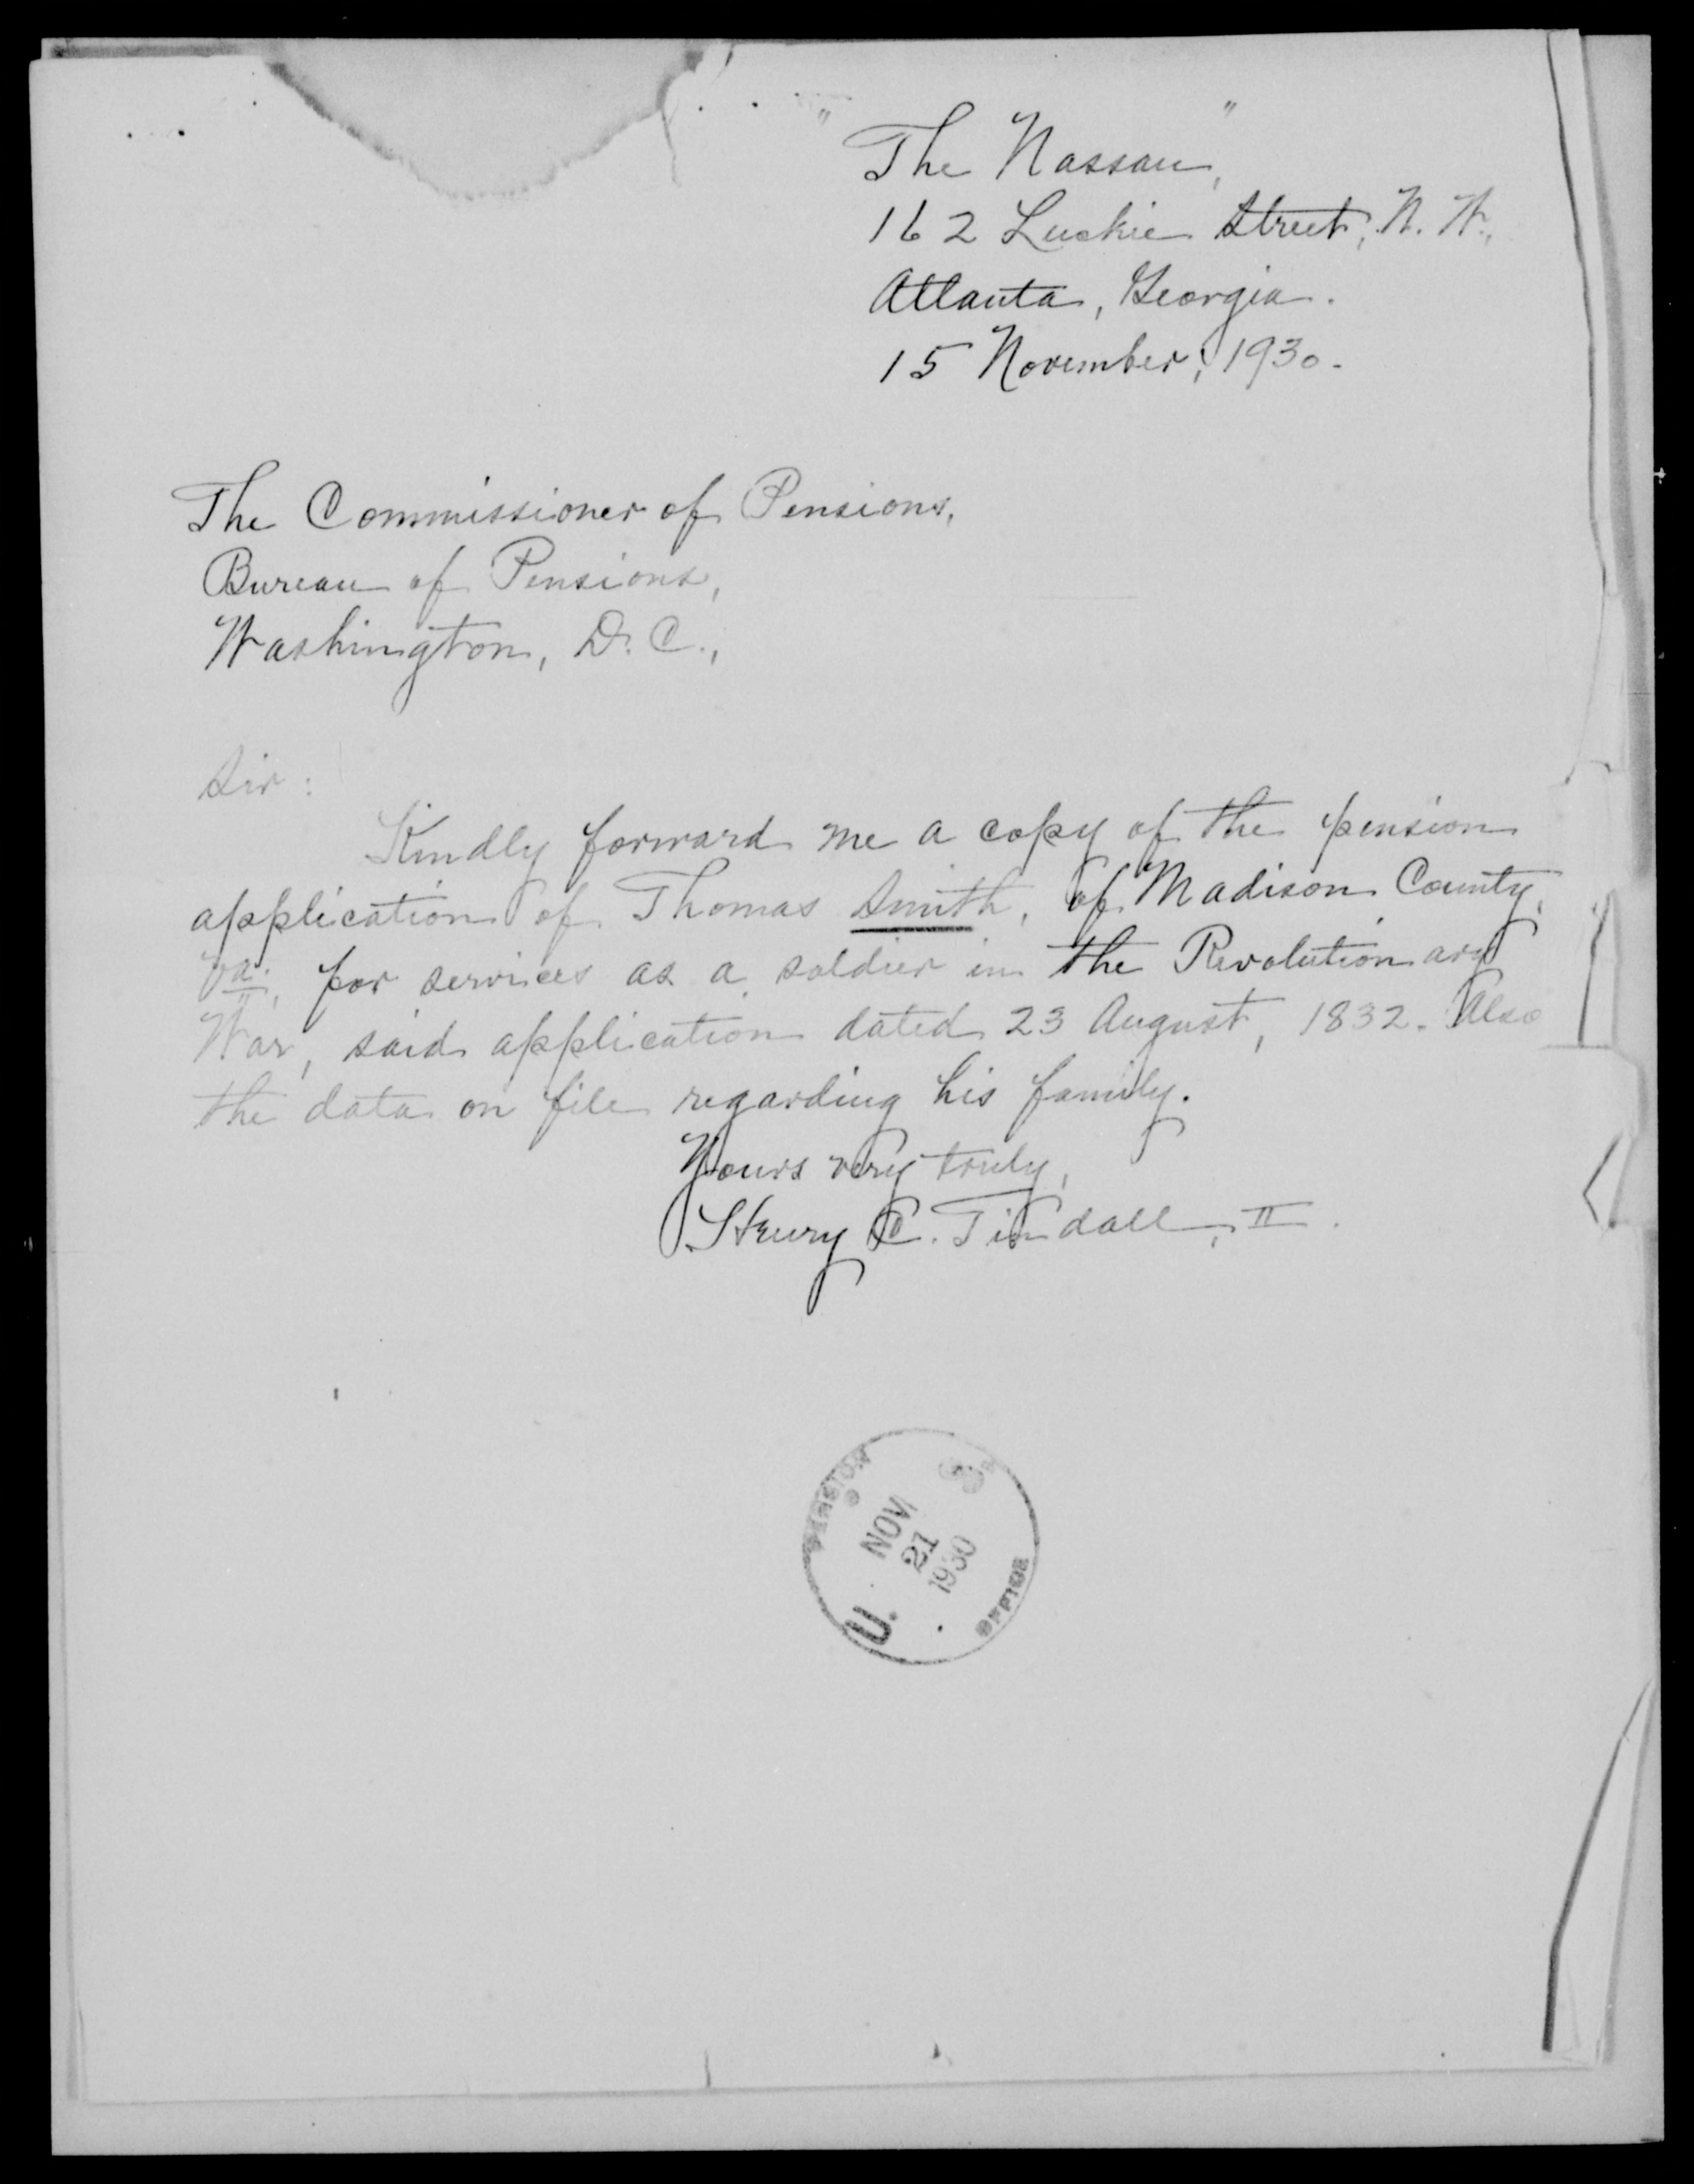The Nassau 162 Luckie Street N.W. Atlanta, Georgia 15 November, 1930.
The Commissioner of Pensions, Bureau of Pensions Washington, D.C.
Sir Kindly forward me a copy of the pension P. application of Thomas Smith, of Madison County , for services as a soldier in the Revolutionary War , said application dated 23 August, 1832. also the data on file regarding his family Yours very truly Henry C. Tindall S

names: Henry C Tindall; Thomas Smith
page: 13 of 23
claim: survivor's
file: S. 6,125, for Thomas Smith, Virginia